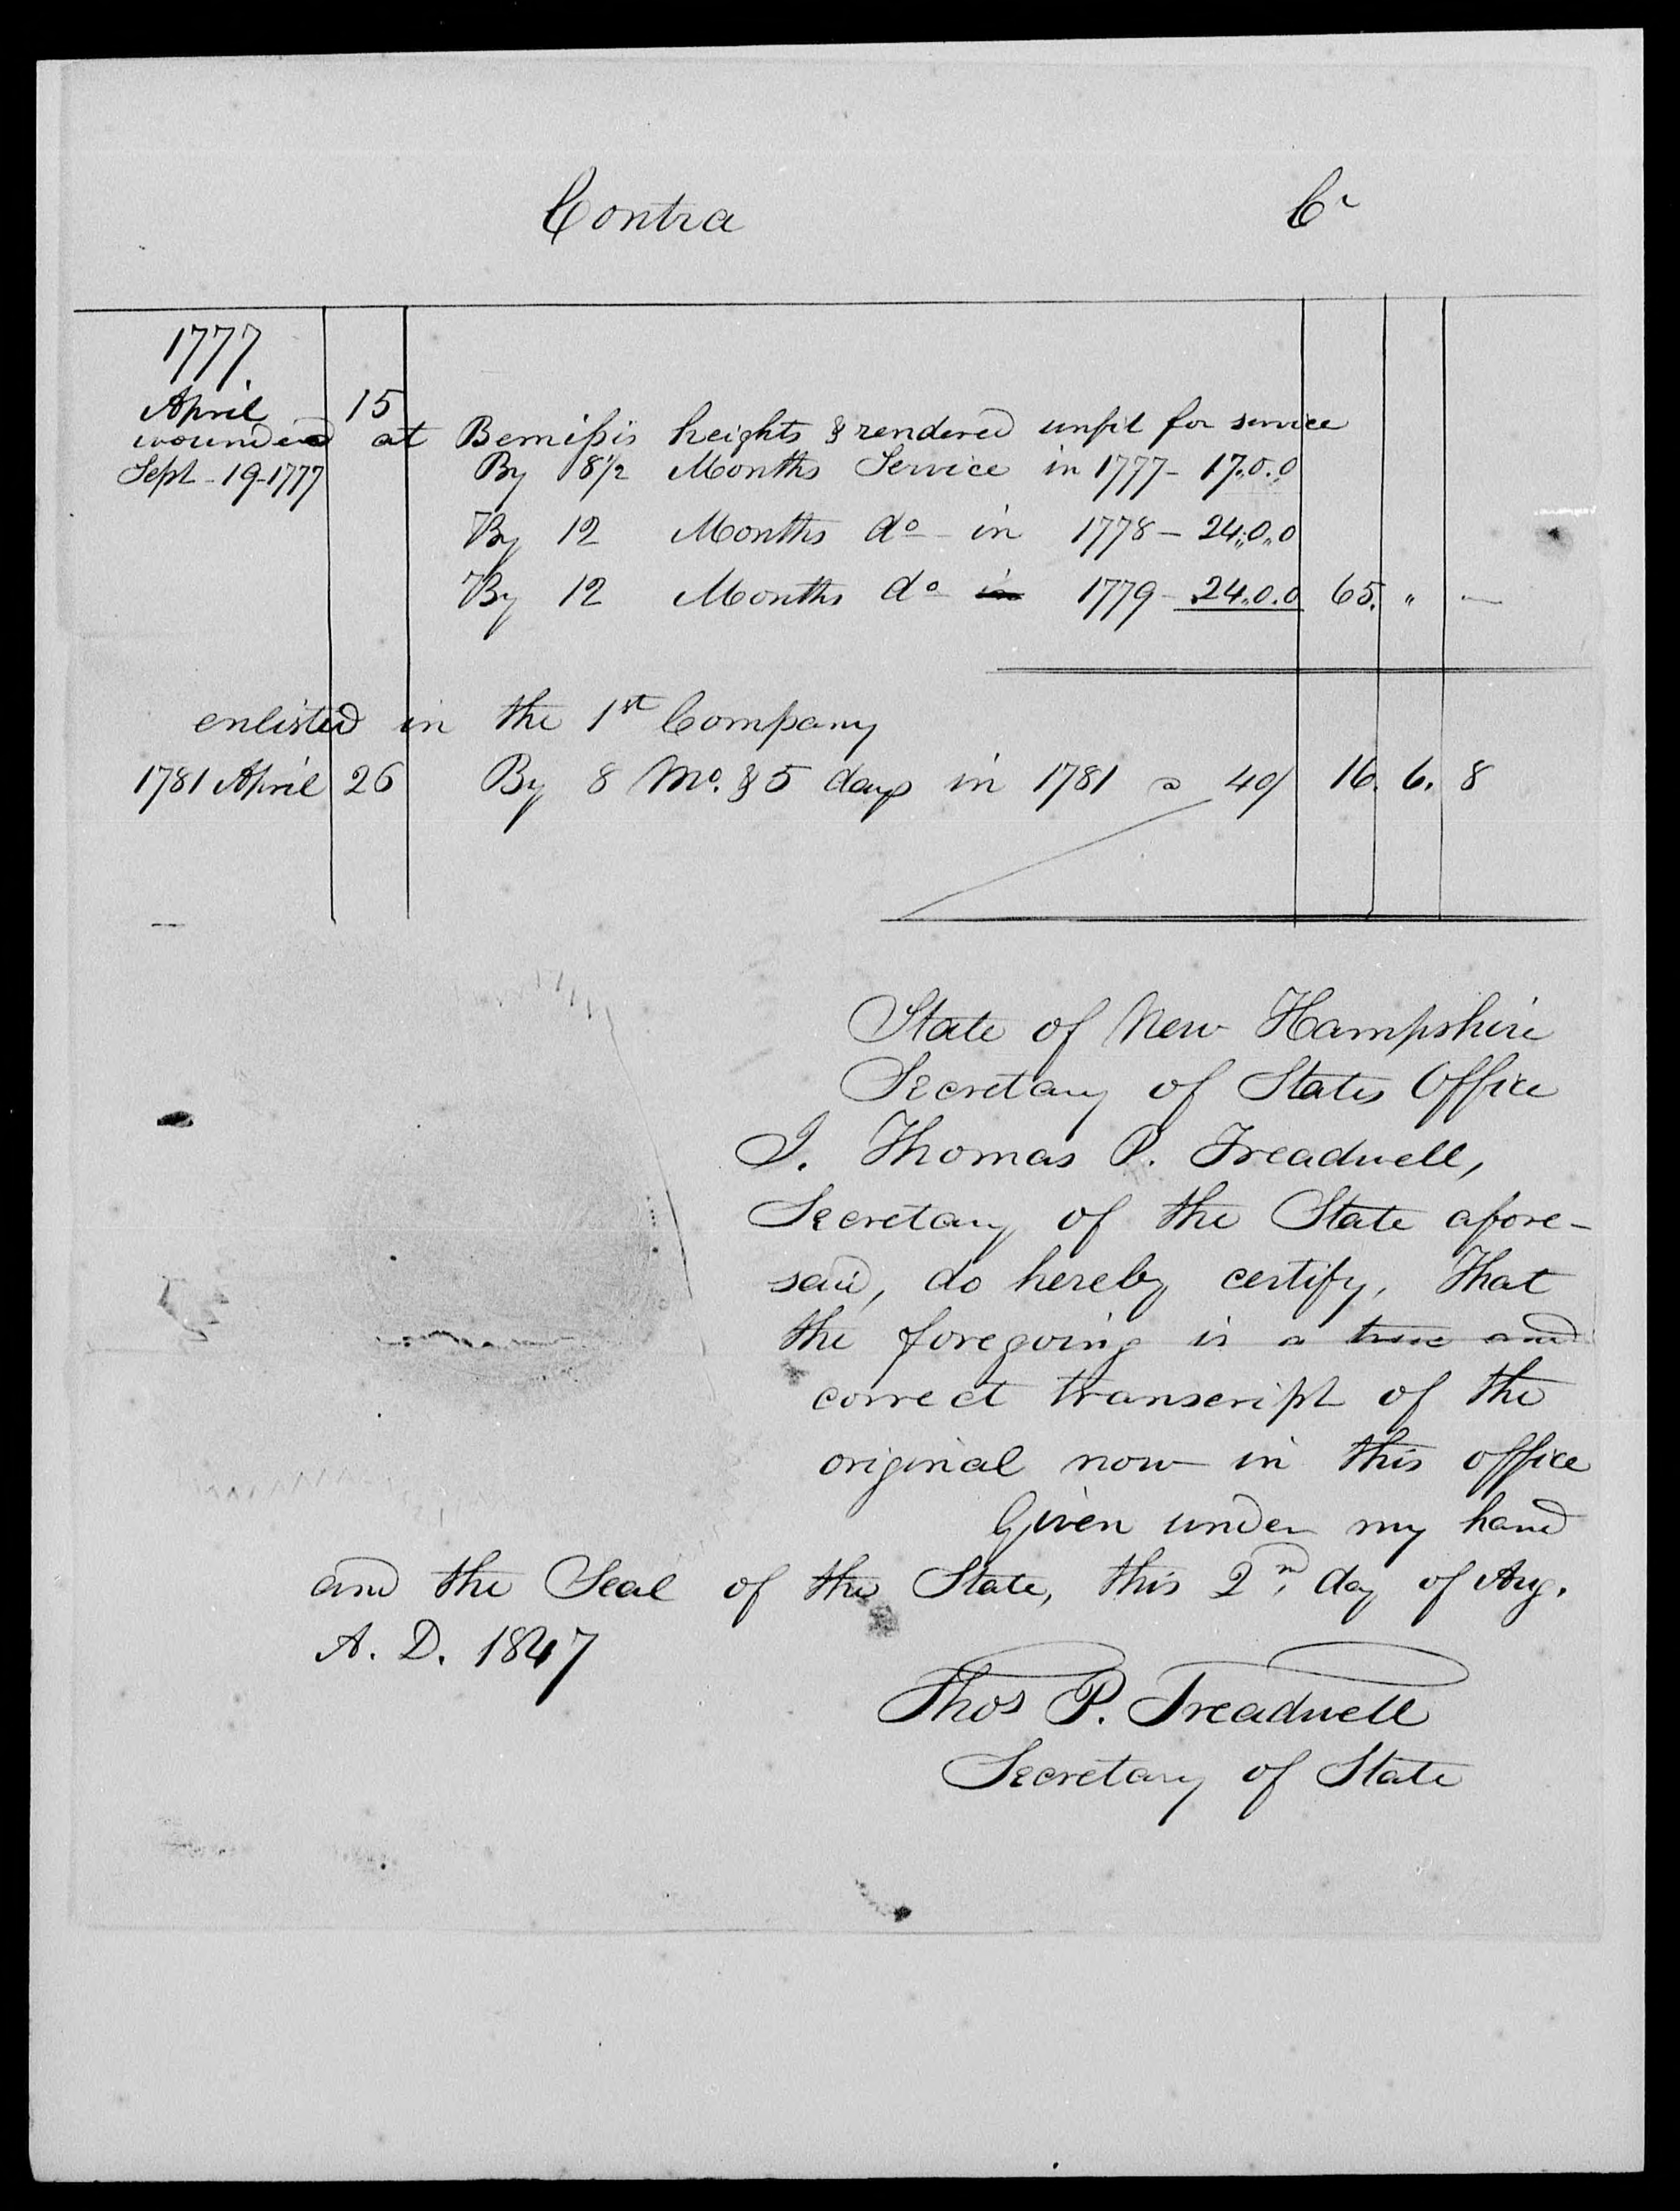Contra Br
1777 April Wounded Sep = 19- 1777
|15 ┃
Bemipis heights & rendered unfit for service
By 81/2 Months Service in 1777- 17.0.0
By 12 months do in 1778-24.0.0
By 12 months do in 1779- 24.0.0 
| 65. | " | - |
enlisted in the 1st Company 
1781 April | 26 ┃By 8 Mo & 5 days in 1781 @ 40
| 16 | 6. | 8 |
State of New Hampshire
Secretary of States Office
I, Thomas P. Treadwell,
Secretary of the State aforesaid
, do hereby certify, That the
foregoing is a true and
correct transcript of the
original now in this office
Given under my hand
and the Seal of this State, this 2nd day of A. D. 1847
Thos P. Treadwell
Secretary of State
[illegible seal pressed into the document]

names: Thomas P Treadwell, Thos P Treadwell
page: 50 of 57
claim: widow's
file: W. 23217, Thomas Haines, N H